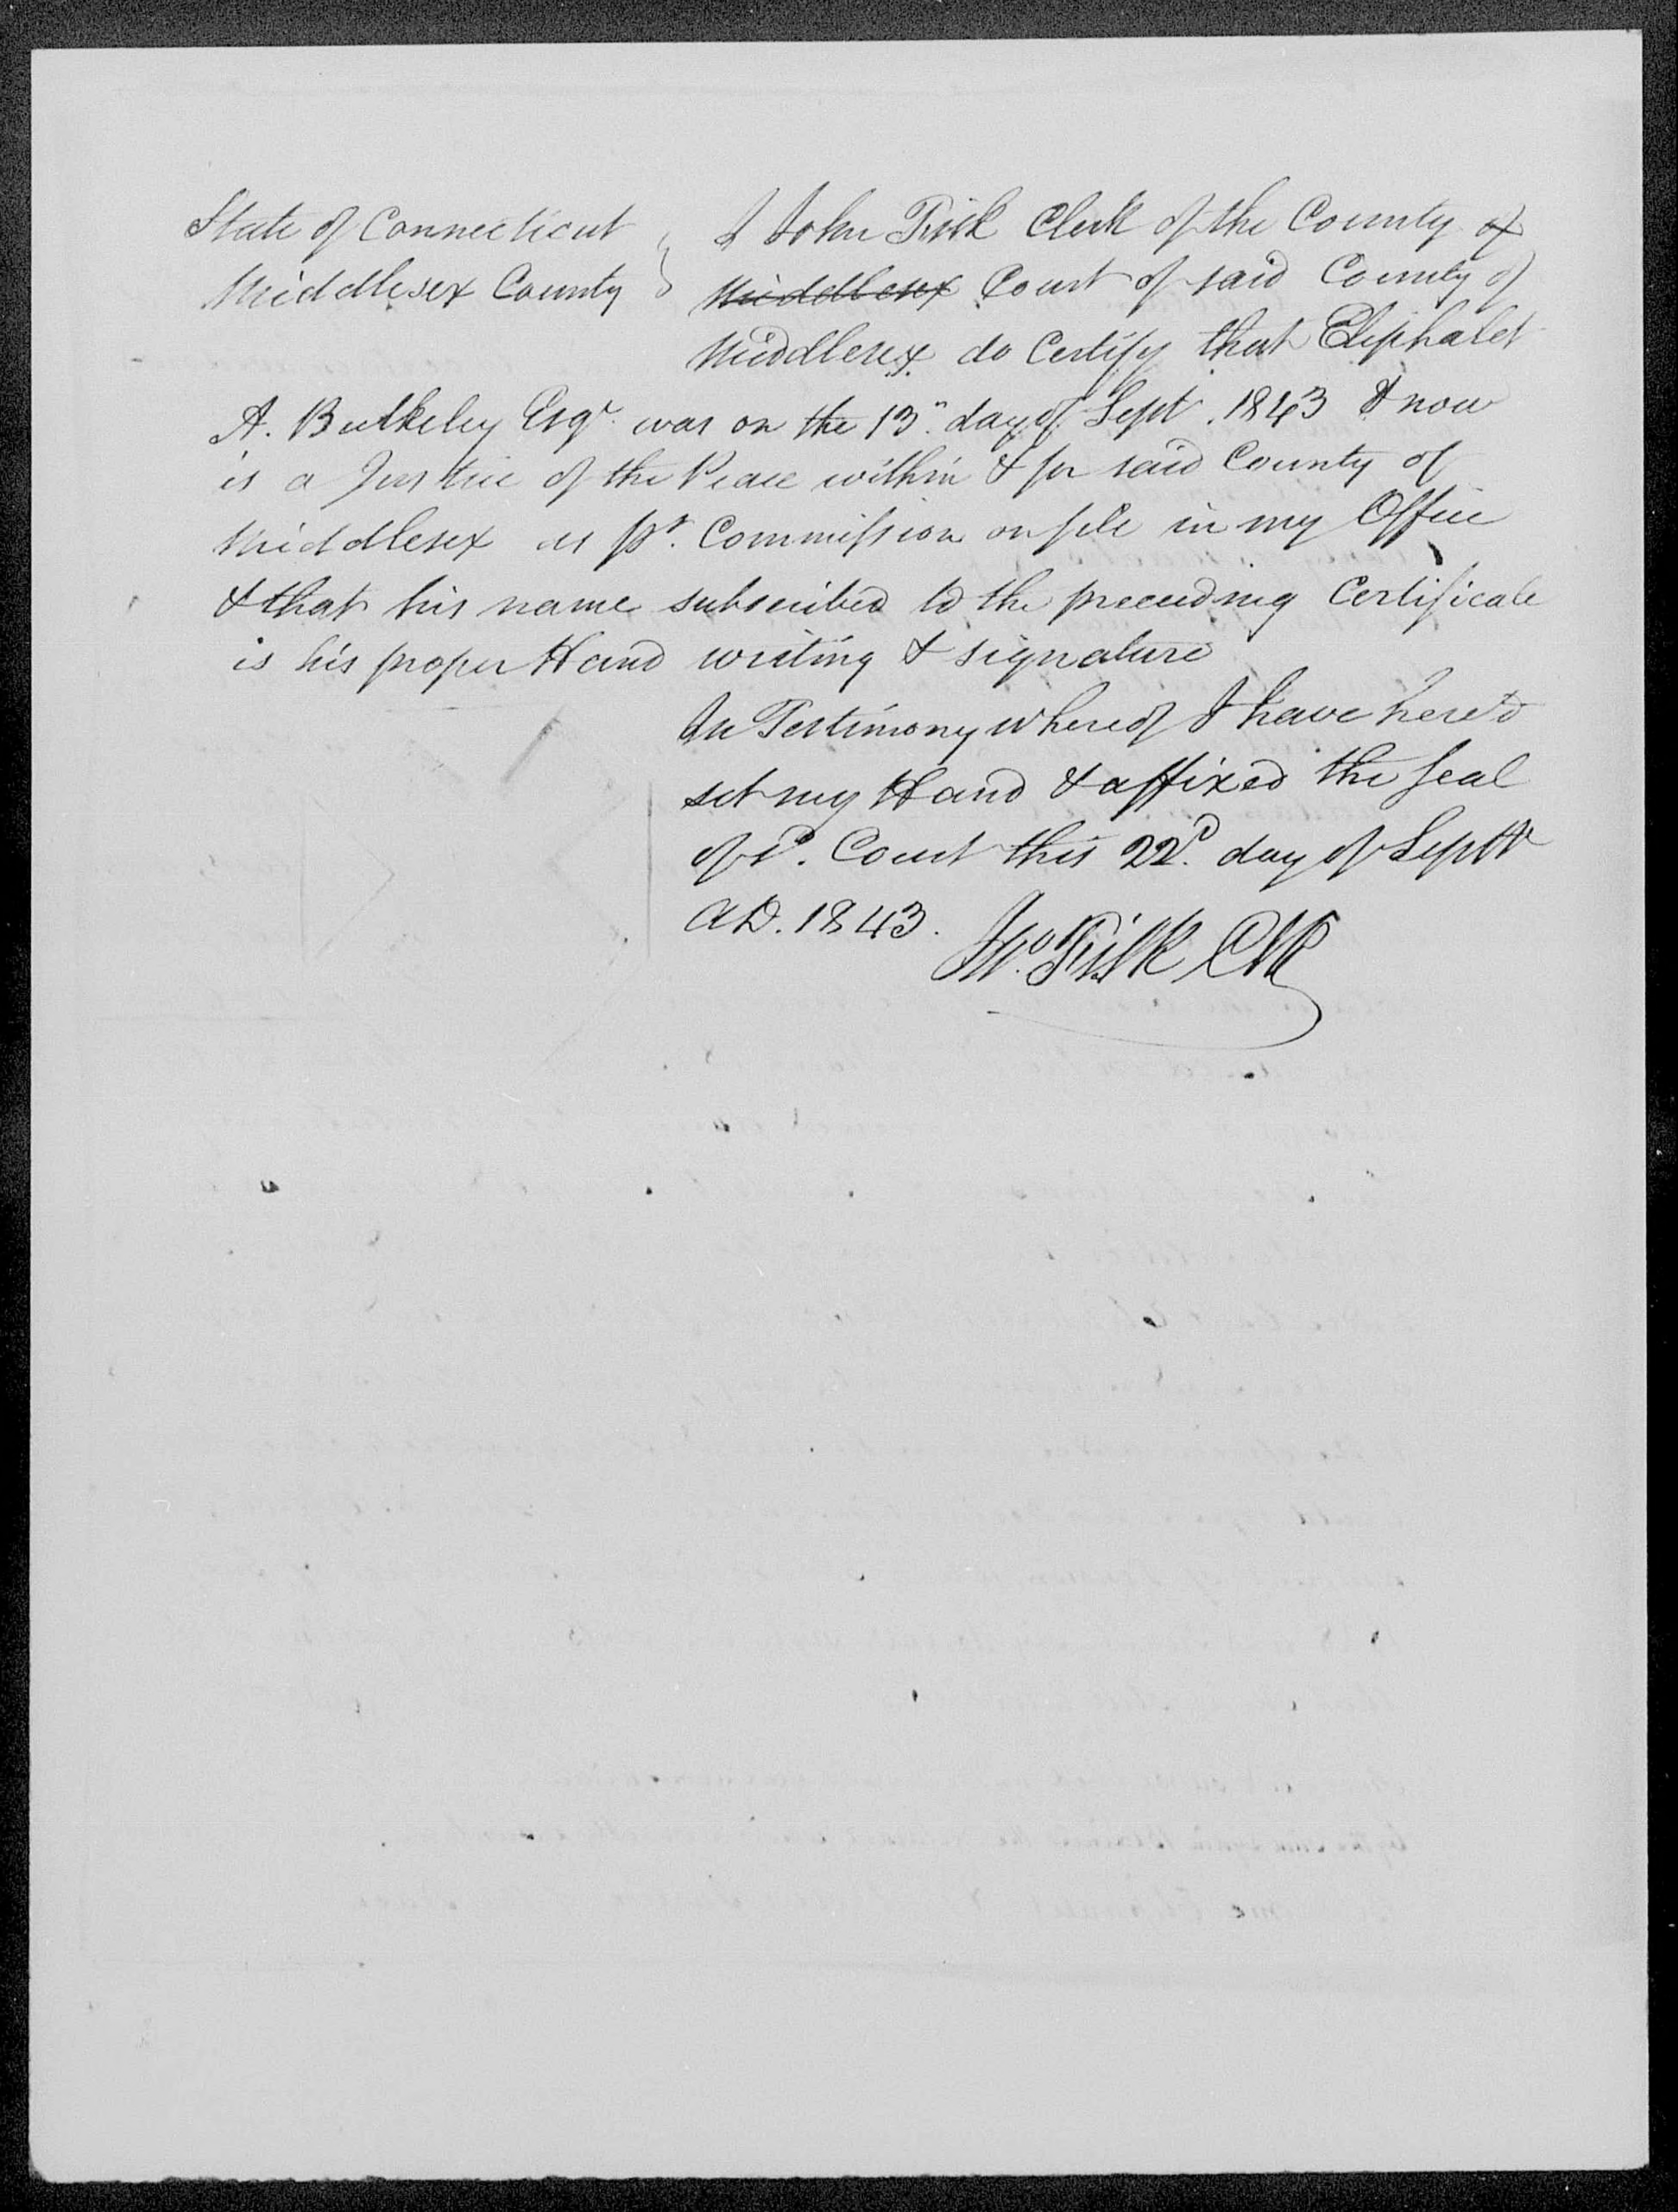State of Connecticut}
Middlesex County} I John Fisk Clerk of the County [lined out "of Middlesex"] Court of said County of Middlesex do certify that Eliphalet A. Bulkeley Esq was on the 13" day of Sept. 1843 & now is a Justice of the Peace within & for said County of Middlesex as pr Commission on file in my Office & that his name subscribed to the preceeding (sic) certificate is his proper hand writing & signature
In Testimony whereof I have hereto set my hand & affixed the seal of s'd Court this 22d day of Sept A.D. 1843
[signature] Jno Fisk Clk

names: Eliphalet A Bulkeley, Jno Fisk, John Fisk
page: 17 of 25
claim: widow's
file: W. 23,671, Bezaleel Brainard, Conn.